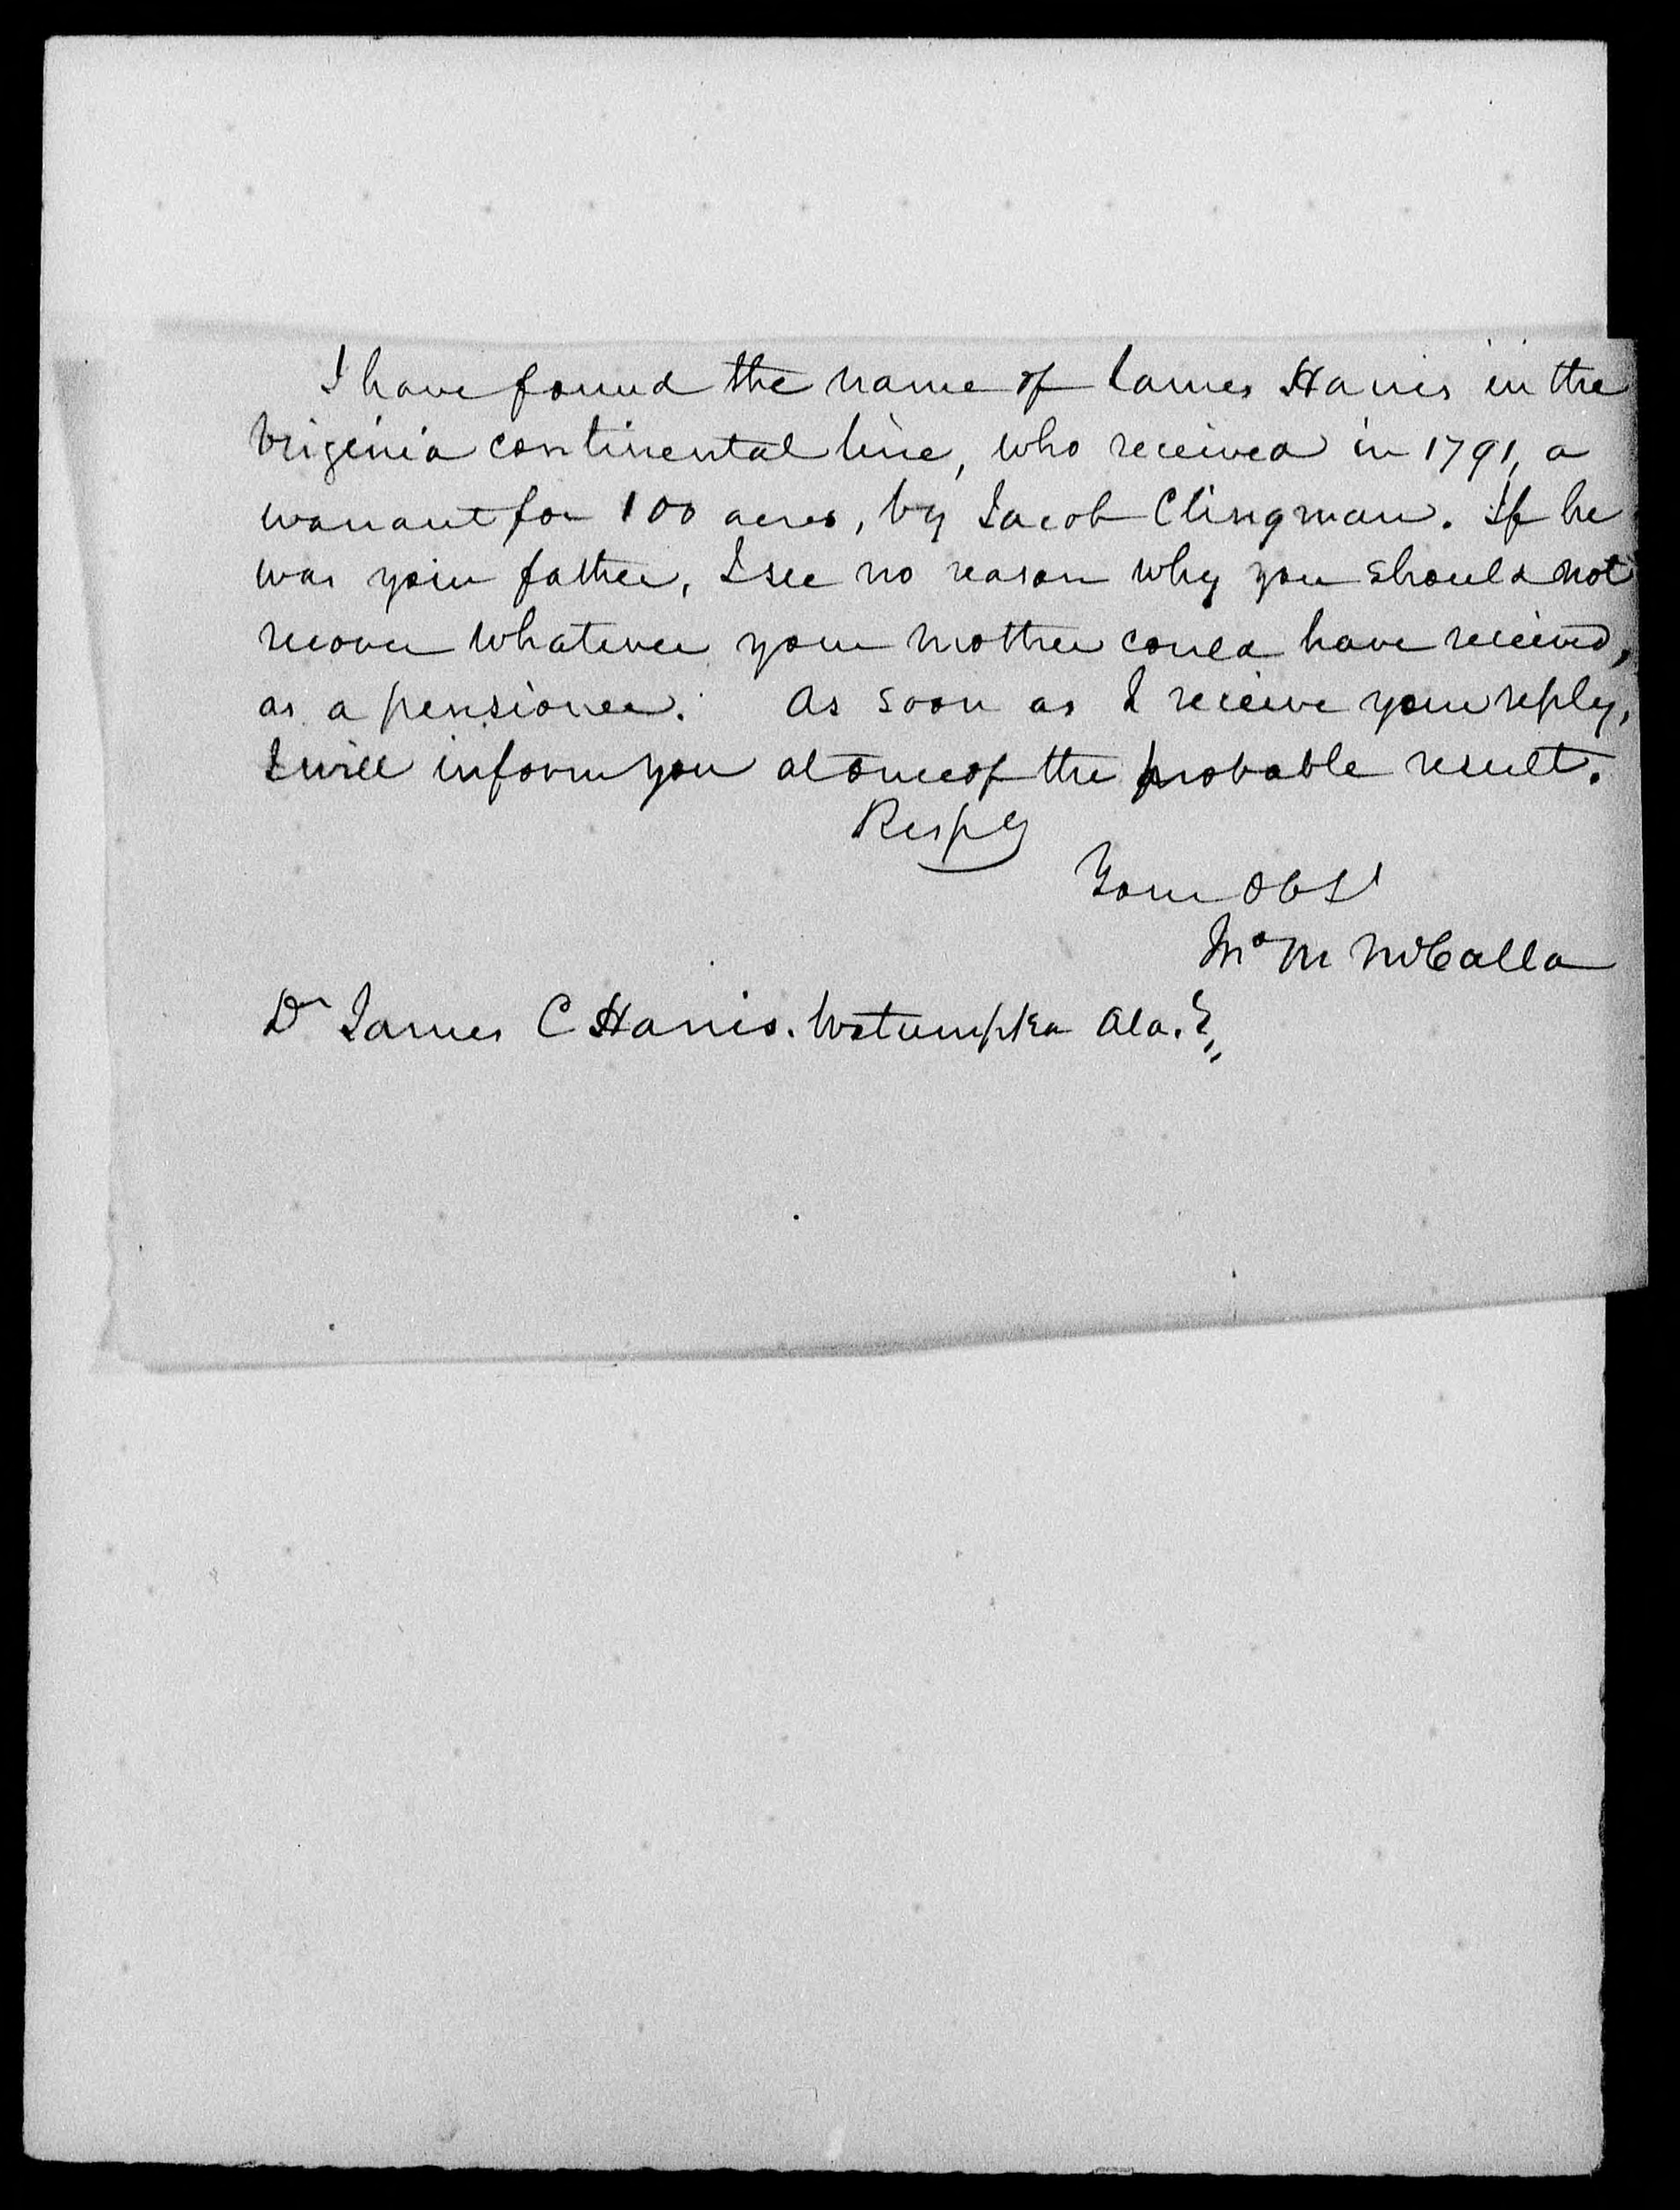I have found the name of James Harris in the Virginia continental line, who received in 1791 a warrant for 100 acres, by Jacob Clingman.  If he was your father, I see no reason why you should not recover whatever your mother could have received as a pensioner.  As soon as I receiveyour reply, I will inform you at once of the probable result.
Respy
Your Obt
Jno M McCalla

Dr. James C. Harris, Wetumpka Ala. }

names: James C Harris, Jacob Clingman, Jno M Mc Calla, James Harris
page: 146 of 160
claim: rejected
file: R. 4666, James Harris, Va.